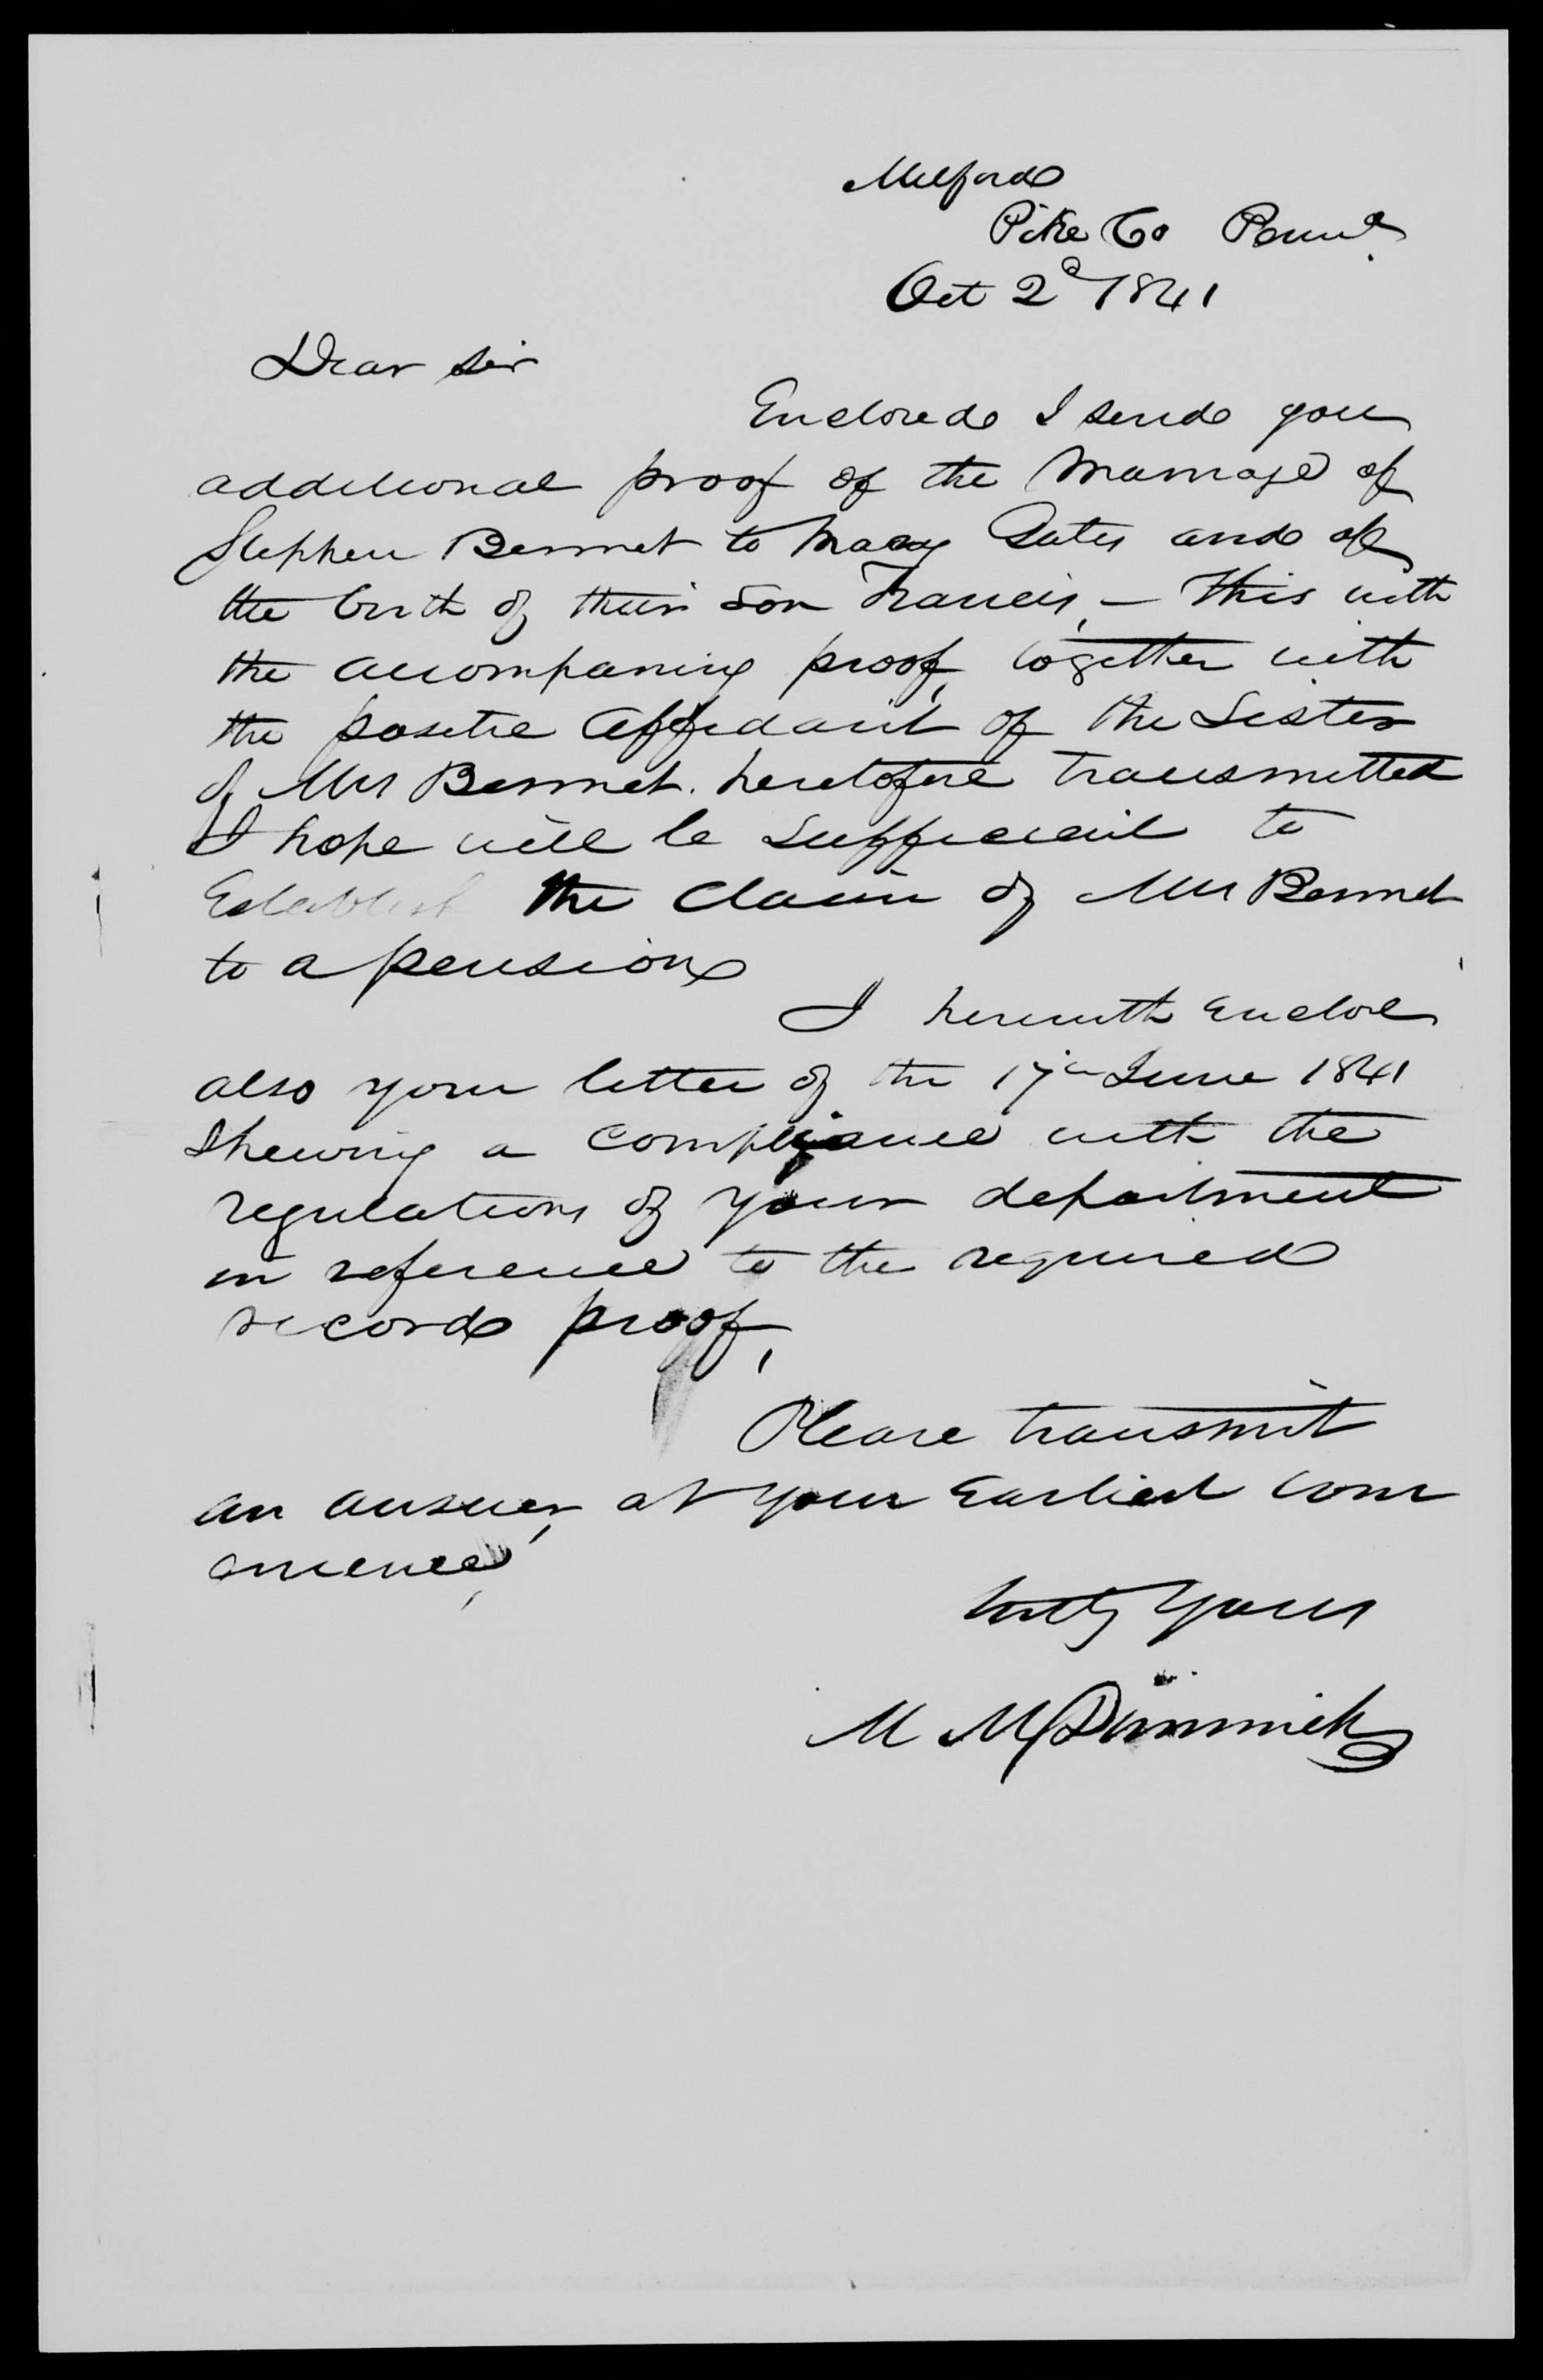Milford
Pike Co Penn
Oct 2 1841

Dear Sir
Enclosed I send you additional proof of the marriage of Stephen Bennett to Mary Gates and the birth of their son Francis- This with the accompaning proof together with the positive affidavit of the sisters of Mrs Bennett heretofore transmitted I hope will be sufficient to establish the claim of Mrs Bennett to a pension
I herewith enclose also your letter of the 17th June 1841 showing a compliance with the regulations of your department in reference to the required records proof.
Please transmit an answer at your earliest convenience
Truly yours 
M M Dimmick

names: Bennet, Bennet, M M Dimmick, Stephen Bennet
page: 64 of 79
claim: widow's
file: W. 2,906, Stephen Bennet, Conn.